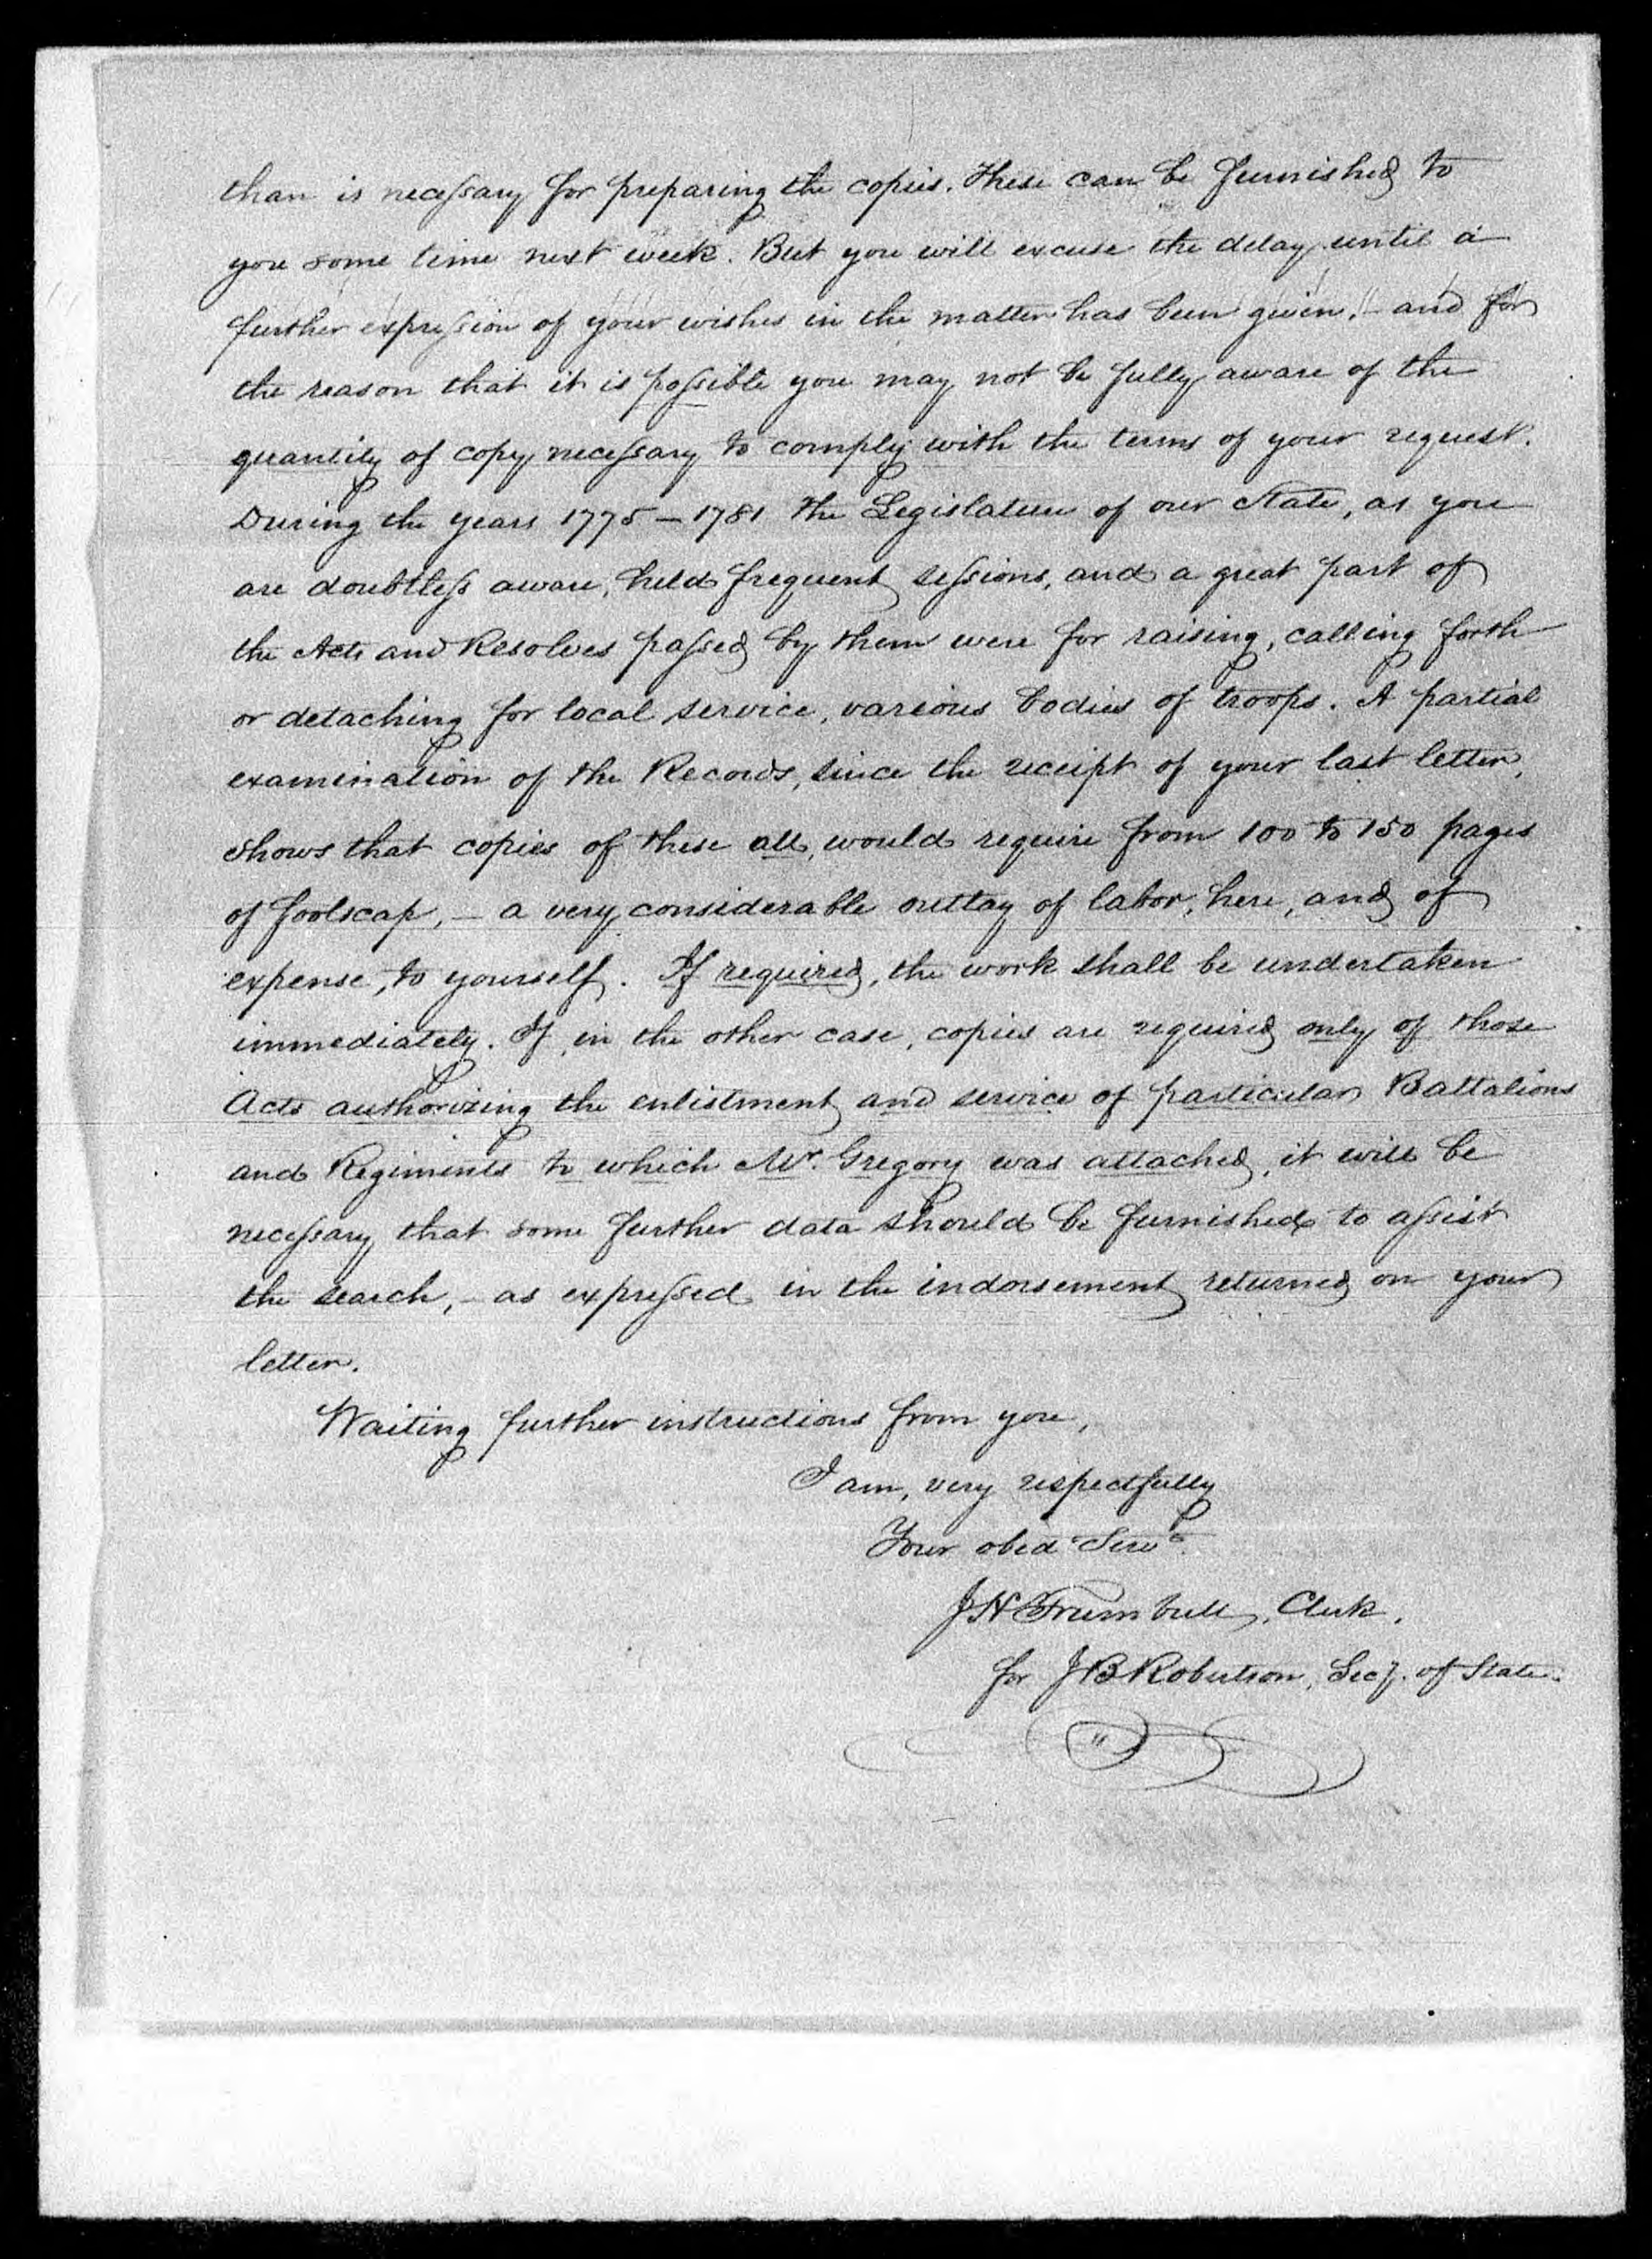than is necessary for preparing the copies. These can be furnished to you some time next weeks.  But you will excuse the delay until a further espression [sic] of your wishes in the matter has been given, and for the reason that it is possible you may not be fully aware of the quantity of copy necessary to comply with the terms of your request.  During the years 1775-1781 the Legislature of our State, as you are doubtless aware. holds frequent sessions, and a great part of the Acts and Resolves passed by them were for raising, calling forth or detaching for local service, various bodies of troops. A partial examination of the Records, since the receipt of your last letter, shows that copies of these all [word underlined] would require from 100 to 150 pages of foolscap, - a very considerable outlay of labor, here, and of expense to yourself.  If required [both words underlined] the work shall be undertaken immediately. If, in the other case, copies are required only for those Acts authorizing the enlistment and service of particular Battalions and Regiments to which Mr. Gregory was attached, [almost all words were underlined from "only of"] It will be necessary that some further data should be furnished to assist the search, as expressed in the endorsement returned on your letter.
     Waiting further instructions from you.
                                I am, very respectfully
                                   Your obed Servt        
                                      J. H. Trumbull Clerk
                      for J.B. Robertson, Sect. of State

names: J B Robertson, Gregory, J H Trumbull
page: 28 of 49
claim: widow's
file: W 24308, Josiah Gregory, Conn.